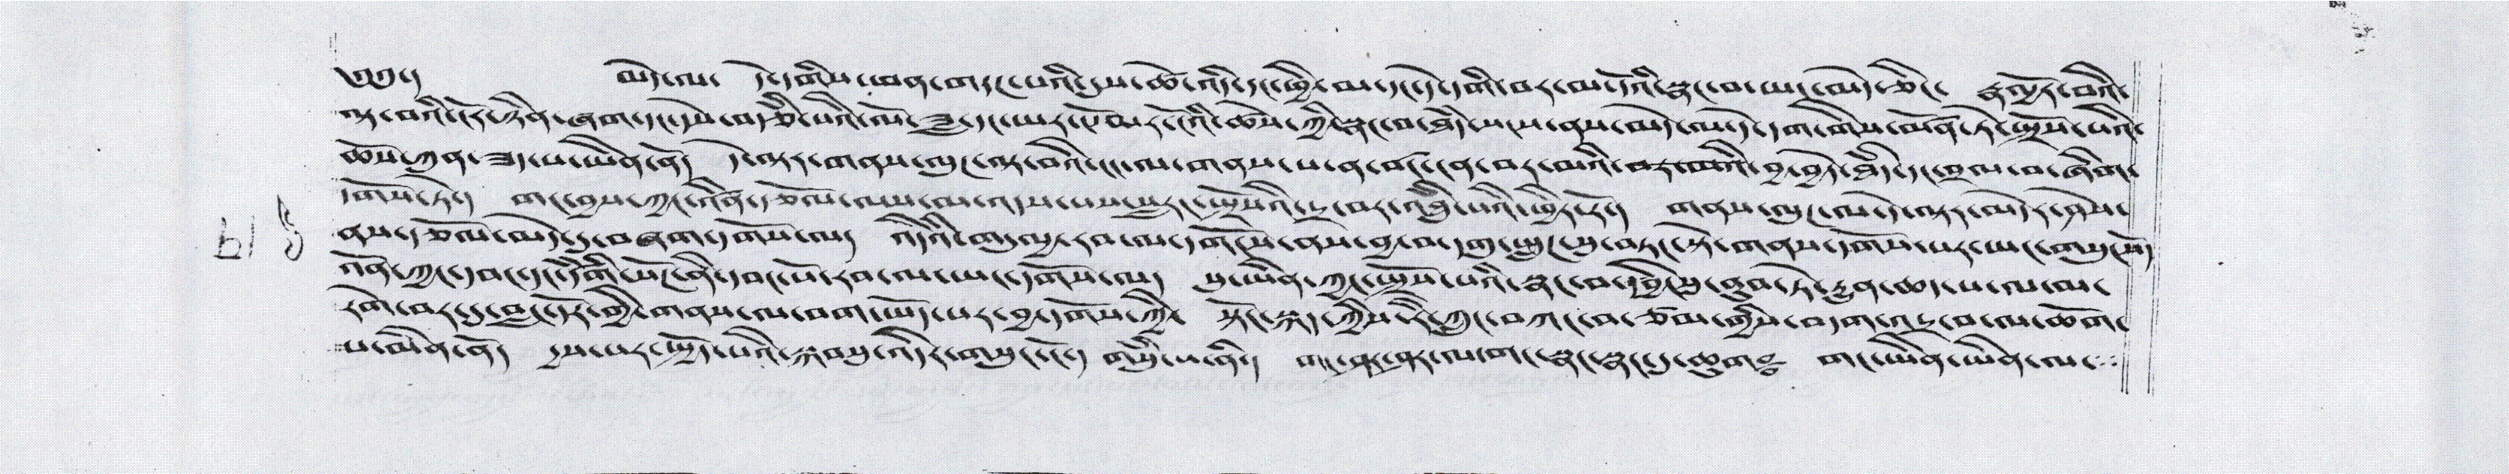མེད་ལ། དེ་དག་གིས་ཕན་གདགས་པའི་དུས་ཚེ་འདི་དང་ཕྱི་མ་དང་དེ་དག་གི་བར་མ་དོའི་སྣང་བ་ཡང་མེད་ཅིང་། རྣལ་འབྱོར་བའི་
ལྟ་བའི་ངོར་ཉིན་ཞག་དང་དེས་བརྩི་བའི་ལོ་ཟླ་དང་། ཡར་ངོ་མར་ངོའི་ཚེས་ཀྱི་སྣང་བ་ཐམས་ཅད་སངས་ནས་མེད་ལ་དེ་དག་གིས་མཚོན་ཏེ་སྤྲོས་པའི་
ཆོས་ཀུན་ཟད་པ་ཡིན་ནོ། དེ་ལྟར་གནས་ལུགས་ལྟ་བའི་ངང་ལ་གནས་པ་ན་བཟང་ངན་བར་མའི་བྱ་བྱེད་ཐམས་ཅད་དང་བྲལ་བ་ཞིག་

ནས་རྩོལ་མེད་དུ་བཞག་དགོས་ལ། འདིའི་གདུལ་བྱ་རབ་ལ་དགོངས་ནས་བྱ་བ་དགུ་སྤྲུགས་སུ་བཏང་སྟེ་གནས་དགོས་པར་ཡང་གསུངས་སོ། 
འོན་ཀྱང་དབང་དང་དམ་ཚིག་སོགས་ནི་དབང་པོ་རབ་ལ་ཡང་དགོས་ལ། སུ་ཡིན་ཀྱང་སྤྲོས་པའི་སྣང་བ་དབྱིངས་སུ་ནུབ་སྟེ་རྒྱུན་ཆད་པ་ལ་མ་
རེག་བར་དུ་བླང་དོར་གྱི་གནས་ལ་བག་ཡོད་པར་བྱ་དགོས་ཀྱི། སྟོང་སྐད་ཀྱིས་རི་ཀླུང་བཀང་བ་ཙམ་གྱིས་བདག་འདྲ་བ་ལ་ཆོག་
པ་མིན་ནོ། རྒྱས་པར་སྤྱོད་པའི་སྐབས་སུ་འདིར་གསུང་ངོ་། གསུམ་པ་ནི། གང་ཤར་ཤར་ལ་གང་སྣང་སྣང་དུ་ཆུགཿ གང་ཡིན་ཡིན་ལ་